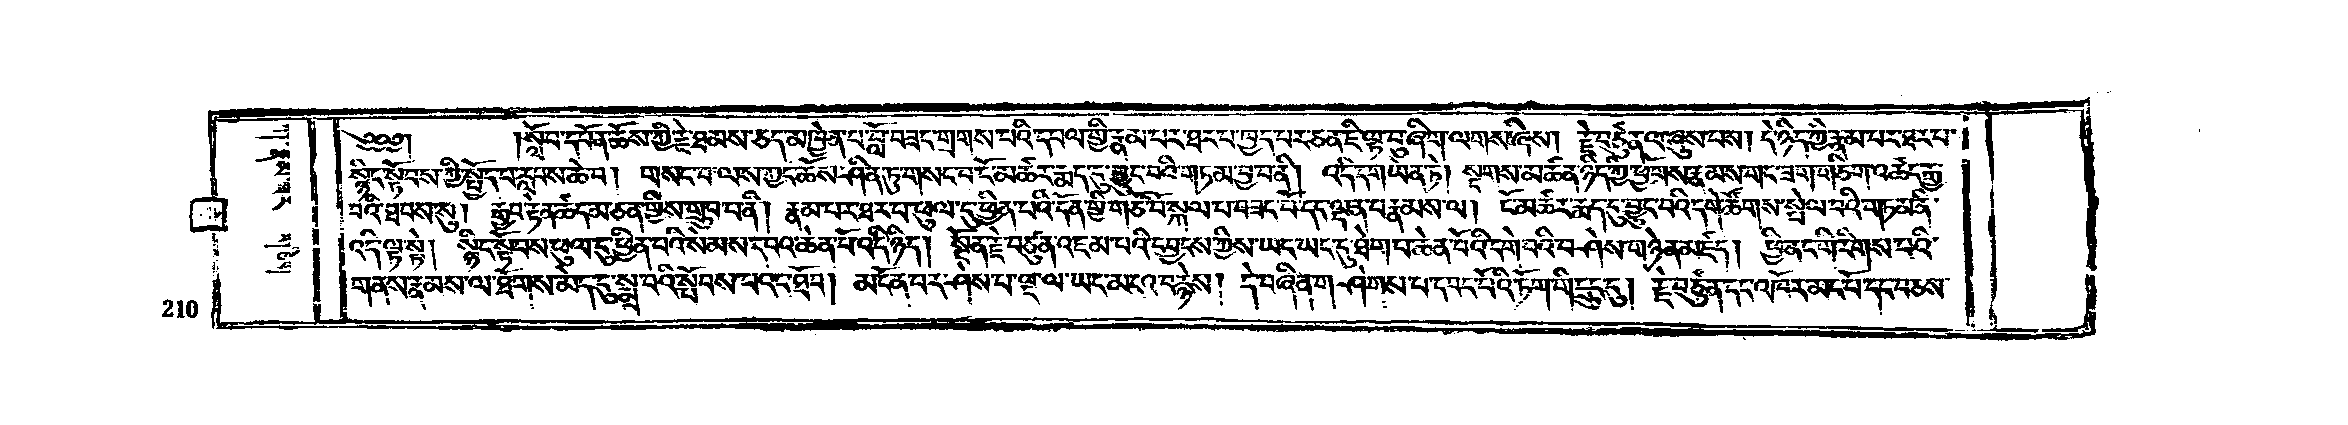༄༅༅། །སློབ་དཔོན་ཆོས་ཀྱི་རྗེ་ཐམས་ཅད་མཁྱེན་པ་བློ་བཟང་གྲགས་པའི་དཔལ་གྱི་རྣམ་པར་ཐར་པ་ཁྱད་པར་ཅན་ཇི་ལྟ་བུ་ཞིག་ལགས་ཞིས། རྗེ་བཙུན་ལ་ཞུས་པས། དེ་ཉིད་ཀྱི་རྣམ་པར་ཐར་པ་
སྙིང་སྟོབས་ཀྱི་སྤྱོད་པ་རླབས་ཆེ་བ། གསང་བ་ལས་ཀྱང་ཆོས་ཤིན་ཏུ་གསང་བ་ངོ་མཚར་རྨད་དུ་བྱུང་བའི་གཏམ་བྱ་བ་ནི། འདི་དག་ཡིན་ཏེ། སྔགས་མཚན་ཉིད་ཀྱི་ཕྱོགས་རྣམས་གང་ཟག་གཅིག་འཚང་རྒྱ་
བའི་ཐབས་སུ། རྒྱབ་རྟེན་ཚད་མ་ཅན་གྱིས་གྲུབ་པ་ནི། རྣམ་པར་ཐར་པ་ཕུལ་དུ་ཕྱིན་པའི་དོན་གྱི་གཙོ་བོ་སྐལ་པ་བཟང་པོ་དང་ལྡན་པ་རྣམས་ལ། ངོ་མ་ཚར་རྨད་དུ་བྱུང་བའི་དགེ་ཚོགས་སྤེལ་བའི་གཏམ་ནི་
འདི་ལྟ་སྟེ། སྙིང་སྟོབས་ཕུལ་དུ་ཕྱིན་པའི་སེམས་དཔའ་ཆེན་པོ་འདི་ཉིད། སྔོན་རྗེ་བཙུན་འཇམ་པའི་དབྱངས་ཀྱིས་ཡང་ཡང་དུ་ཐེག་པ་ཆེན་པོའི་དགེ་བའི་བཤེས་གཉེན་མཛད། ཕྱི་ནང་གི་རིགས་པའི་
གནས་རྣམས་ལ་ཐོགས་མེད་དུ་སྨྲ་བའི་སྤོབས་པའང་ཐོབ། མངོན་པར་ཤེས་པ་ལྔ་ལ་ཡང་མངའ་བརྙེས། དེ་བཞིན་གཤེགས་པ་དབང་པོའི་ཏོག་གི་དྲུང་དུ། རྗེ་བཙུན་དང་འཁོར་མང་པོ་དང་བཅས་